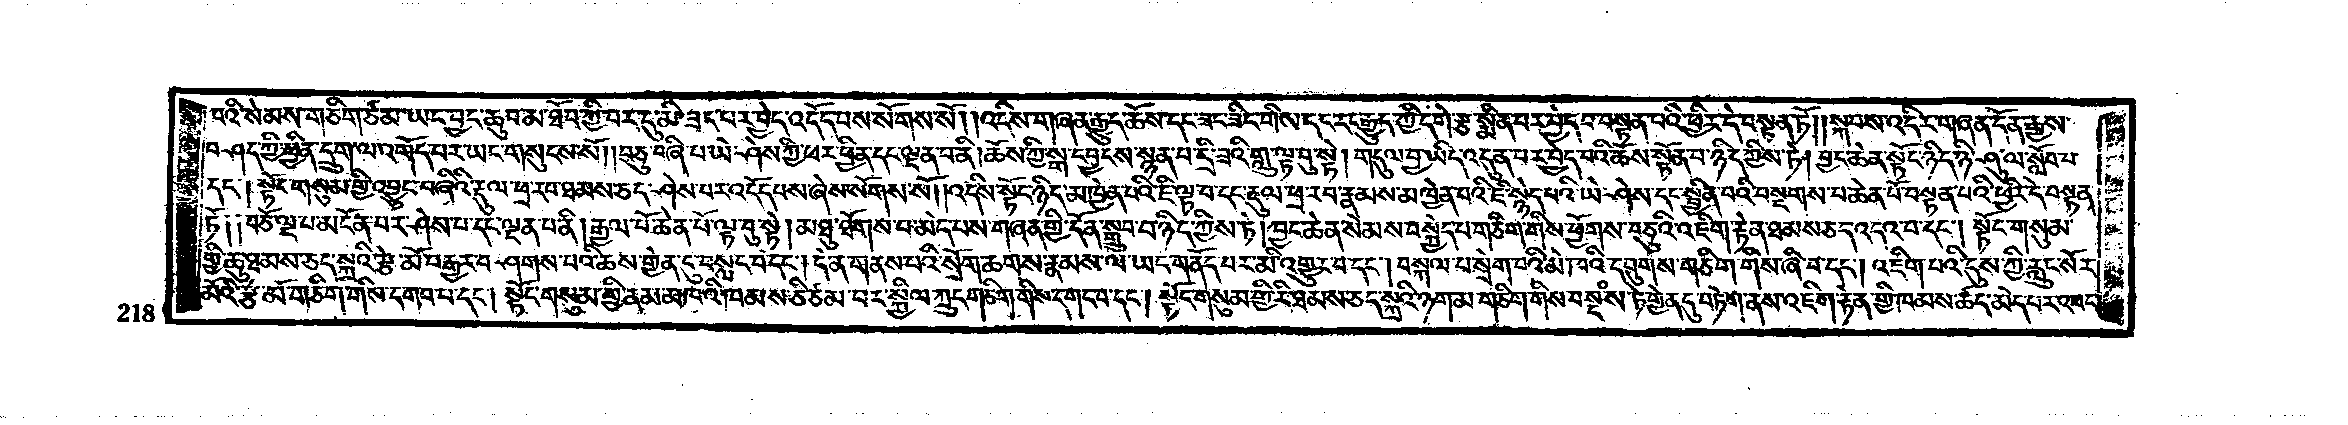བའི་སེམས་གཅིག་ཙམ་ཡང་བྱང་ཆུབ་མ་ཐོབ་ཀྱི་བར་དུ་མི་ཟད་པར་བྱེད་འདོད་པས་སོགས་སོ། །འདིས་གཞན་རྒྱུད་ཆོས་དང་ཟང་ཟིང་གིས་དང་རང་རྒྱུད་ཀྱི་དགེ་རྩ་སྨིན་པར་བྱེད་པ་བསྟན་པའི་ཕྱིར་དེ་བསྟན་ཏོ། །སྐབས་འདིར་གཞན་དོན་རྒྱས་
བཤད་ཀྱི་ཕྱིན་དྲུག་ལ་འགོད་པར་ཡང་གསུངས་སོ། །བཅུ་བཞི་པ་ཡེ་ཤེས་ཀྱི་ཕར་ཕྱིན་དང་ལྡན་པ་ནི། ཆོས་ཀྱི་སྒོ་དབྱངས་སྙན་པ་དྲི་ཟའི་གླུ་ལྟ་བུ་སྟེ། གདུལ་བྱ་ཡིད་འདུན་པར་བྱེད་པའི་ཆོས་སྟོན་པ་ཉིད་ཀྱིས་ཏེ། བྱང་ཆེན་སྟོང་ཉིད་ཉི་ཤུ་ལ་སློབ་པ་
དང་། སྟོང་གསུམ་གྱི་འབྱུང་བཞིའི་རྡུལ་ཕྲ་རབ་ཐམས་ཅད་ཤེས་པར་འདོད་པས་ཞེས་སོགས་སོ། །འདིས་སྟོང་ཉིད་མཁྱེན་པའི་ཇི་ལྟ་བ་དང་རྡུལ་ཕྲ་རབ་རྣམས་མཁྱེན་པའི་ཇི་སྙེད་པའི་ཡེ་ཤེས་དང་སྦྱིན་པའི་བསྔགས་པ་ཆེན་པོ་བསྟན་པའི་ཕྱིར་དེ་བསྟན་
ཏོ། །བཅོ་ལྔ་པ་མངོན་པར་ཤེས་པ་དང་ལྡན་པ་ནི། རྒྱལ་པོ་ཆེན་པོ་ལྟ་བུ་སྟེ། མཐུ་ཐོགས་པ་མེད་པས་གཞན་གྱི་དོན་སྒྲུབ་པ་ཉིད་ཀྱིས་ཏེ། བྱང་ཆེན་སེམས་བསྐྱེད་པ་གཅིག་གིས་ཕྱོགས་བཅུའི་འཇིག་རྟེན་ཐམས་ཅད་འདའ་བ་དང་། སྟོང་གསུམ་
གྱི་ཆུ་ཐམས་ཅད་སྐའི་རྩེ་མོ་བརྒྱར་བཤགས་པའི་ཆས་གྱེན་དུ་བསླང་བ་དང་། དེ་ན་གནས་པའི་སྲོག་ཆགས་རྣམས་ལ་ཡང་གནོད་པར་མི་འགྱུར་བ་དང་། བསྐལ་པ་སྲེག་པའི་མེ་ཁའི་དབུགས་གཅིག་གིས་ཞི་བ་དང་། འཇིག་པའི་དུས་ཀྱི་རླུང་སོར་
ཕ༹མོའི་རྩེ་མོ་གཅིག་གིས་དགབ་པ་དང་། སྟོང་གསུམ་གྱི་ནམ་མཁའི་ཁམས་ཅི་ཙམ་པར་སྐྱིལ་ཀྲུང་གཅིག་གིས་དགང་བ་དང་། སྟོང་གསུམ་གྱི་རི་ཐམས་ཅད་སྐྲའི་ཉག་མ་གཅིག་གིས་བསྔམས་ཏེ་གྱེན་དུ་གཏོག་ནས་འཇིག་རྟེན་གྱི་ཁམས་ཚད་མེད་པར་འཕང་